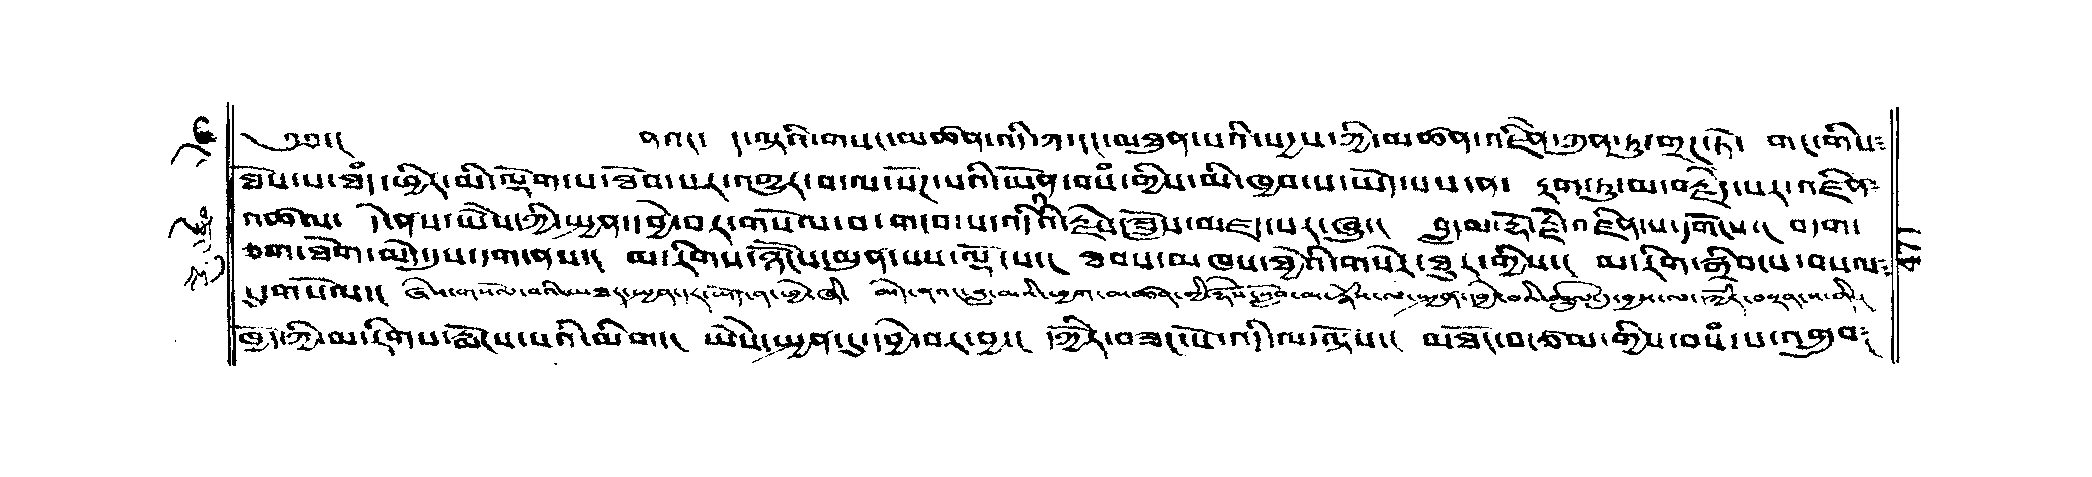ནའང་། ད་ལྟའི་གསང་མཚན་འདི་ཀ་དང་མཐུན་པའི་སངས་རྒྱས་ཀྱི་མཚན་འཇིག་རྟེན་ཀུན་དུ་གྲགས་ཏེ། གང་གིས་
ཐོས་པ་ཐམས་ཅད་ཕྱིར་མི་ལྡོག་པ་ཐོབ་པར་འགྱུར་བ་ལ་སོགས་པའི་ཡོན་ཏན་བསམ་གྱིས་མི་ཁྱབ་པ་ཡོད་པས་ན། རྟག་ཏུ་མ་བརྗེད་པར་འཛིན་
འཚལ། དེ་ནས་ཡེ་ཤེས་ཀྱི་སྤྱན་དབྱེ་བར་གསོལ་བ་གདབ་འདིའི་རྗེས་ཟློས་མཛད་པར་ཞུ། བླ་མ་རྡོ་རྗེ་འཛིན་པ་དགོངས། །བདག་
ཅག་ཐོག་མེད་དུས་དག་ནས། །མ་རིགས་ཉོན་མོངས་མུན་ནས་ལྡོངས། །ཐབས་མཁས་ཐུགས་རྗེའི་གསེར་ཐུར་གྱིས། །མ་རིག་སྒྲིབ་པ་བསལ་
དུ་གསོལ། །ཞེས་གསོལ་བའི་མཐར་སྤྱན་དར་ཡོད་ན་ཕྱེ་ཞིང་། ཆེད་ནའང་བླ་མའི་པྱག་མཚན་གྱི་རྡོ་རྗེས་སློབ་མ་རྣམས་ལ་སྤྱན་དབྱེ་བའི་ཚུལ་དུ་བྱས་ལ་དཀྱིལ་འཁོར་བསྟན་པ་ནི།
ཁྱོད་ཀྱི་མ་རིག་རྨོངས་པའི་མིག་།ཡེ་ཤེས་སྤྱན་དུ་དབྱེ་བར་བྱ། །དཀྱིལ་འཁོར་བཟང་པོ་འདི་ལ་ལྟོས། །མཐོང་བ་ཙམ་གྱིས་བསམ་པ་འགྲུབ། །